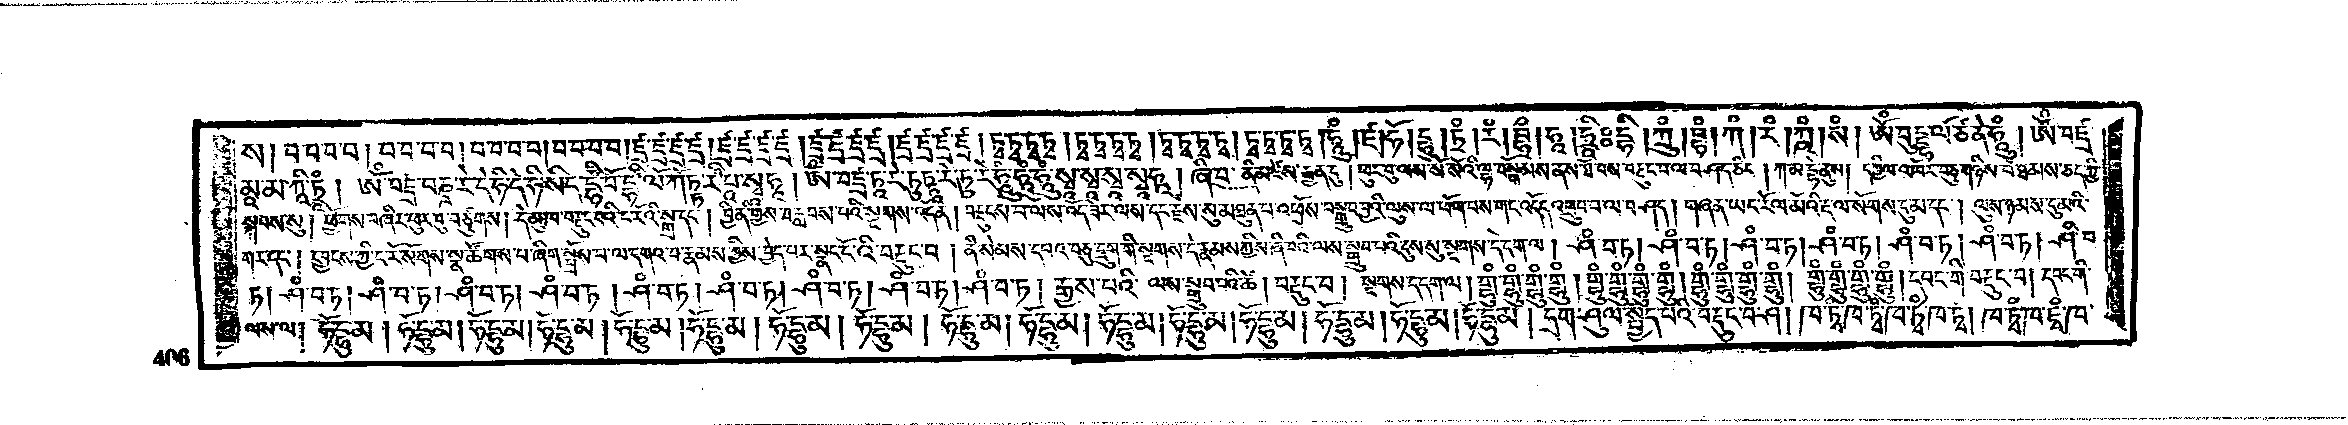ས། བ་བ་བ་བ། བ་བ་བ་བ། བ་བ་བ་བ། བ་བ་བ་བ། ཛྲ་ཛྲ་ཛྲ་ཛྲ། ཛྲ་ཛྲ་ཛྲ་ཛྲ། ཛྲ་ཛྲ་ཛྲ་ཛྲ། ཛྲ་ཛྲ་ཛྲ་ཛྲ། ཏྭ་ཏྭ་ཏྭ་ཏྭ། ཏྭ་ཏྭ་ཏྭ་ཏྭ། ཏྭ་ཏྭ་ཏྭ་ཏྭ། ཏྭ་ཏྭ་ཏྭ་ཏྭ། ཧཱུཾ། ཛ། ཧོ། དྷུ། ཏྲཾ། རཾ། བྷྀ། ཧཱ། ཧྲཱིཿ དྷི། ཀྲུཾ། བྷཾ། ཀཾ། རཾ། ཀྵི། སཾ། ཨོཾ་བུདྡྷ་ལོ་ཙ་ནེ་ཧཱུཾ། ཨོཾ་བཛྲ་
མཱ་མ་ཀཱི་ཏྲཱཾ། ཨོཾ་བཛྲ་བཎྜ་རེ་དེ་ཧི་དེ་ཧི་སིད་དྷི་བོ་དྷི་ལོ་ཀོཏྟ་རིཾ་པཱ་སྭཧཱ། ཨོཾ་བཛྲ་ཏཱ་རེ་ཏུཏྟཱ་རེ་ཏུ་རེ་ཧཱུཾ་ཧཱུཾ་ཧཱུཾ་སྭཱ་སྭཱ་སྭཱ་སྭཱཧཱ། ཞི་བ་ནི་མཛེས་རྒྱན་དུ། ཕུར་བུ་ལས་སོ་སོའི་ལྷ་བསྒོམས་ནས་ཐོ་བས་བརྡུང་བ་ལ་བཤད་ཅིང་། ཀ་མ་དྷེ་ནུས། དཀྱིལ་འཁོར་བཅུ་གཉིས་པོ་ཐམས་ཅད་ཀྱི་
སྐབས་སུ། ཕྱོགས་བཞིར་ཕུར་བུ་བཙུགས། དེ་མུལ་བརྡུང་བའི་ང་རོའི་སྒྲ་དང་། བྱིན་གྱིས་བརླབས་པའི་སྔགས་འདོན། བརྡུངས་བ་ལས་འོད་ཟེར་ལས་དང་རྗེས་སུ་མཐུན་པ་འཕྲོས་བསྒྲུབ་བྱའི་ལུས་ལ་ཕོག་པས་གང་འདོད་འགྲུབ་པ་ལ་བཤད། གཞན་ཡང་རོལ་མོའི་རྡ་ལ་སོགས་དུ་མ་དང་། ལུས་ཉམས་དུ་མའི་
གར་དང་། དབྱངས་ཀྱི་ང་རོ་སོགས་སྣ་ཚོགས་པ་ཞིག་སྤྲོས་པ་ལ་དགའ་བ་རྣམས་ཀྱིས་བྱེད་པར་སྣང་ངོའི་བརྡུང་བ། ནི་སེམས་དཔའ་བཅུ་དྲུག་གི་སྔགས་དེ་རྣམས་ཀྱིས་ཞི་བའི་ལས་སྒྲུབ་པའི་དུས་སུ་སྔགས་དེ་དག་ལ།  ཤཾ་བ་ཏ། ཤཾ་བ་ཏ། ཤཾ་བ་ཏ། ཤཾ་བ་ཏ། ཤཾ་བ་ཏ། ཤཾ་བ་ཏ། ཤཾ་བ་
ཏ། ཤཾ་བ་ཏ། ཤཾ་བ་ཏ། ཤཾ་བ་ཏ། ཤཾ་བ་ཏ། ཤཾ་བ་ཏ། ཤཾ་བ་ཏ། ཤཾ་བ་ཏ། ཤཾ་བ་ཏ། ཤཾ་བ་ཏ། རྒྱས་པའི་ལས་སྒྲུབ་པའི་ཚེ།  བརྡུང་བ། སྔགས་དེ་དག་ལ། གྷུཾ་གྷུཾ་གྷུཾ་གྷུཾ། གྷུཾ་གྷུཾ་གྷུཾ་གྷུཾ། གྷུཾ་གྷུཾ་གྷུཾ་གྷུཾ། གྷུཾ་གྷུཾ་གྷུཾ་གྷུཾ། དབང་གི་བརྡུང་བ། དབང་གི་
ལས་ལ།  ཧོ་དྷུ་མ། ཧོ་དྷུ་མ། ཧོ་དྷུ་མ། ཧོ་དྷུ་མ། ཧོ་དྷུ་མ། ཧོ་དྷུ་མ། ཧོ་དྷུ་མ། ཧོ་དྷུ་མ། ཧོ་དྷུ་མ། ཧོ་དྷུ་མ། ཧོ་དྷུ་མ། ཧོ་དྷུ་མ། ཧོ་དྷུ་མ། ཧོ་དྷུ་མ། ཧོ་དྷུ་མ། ཧོ་དྷུ་མ། དྲག་ཤུལ་སྤྱོད་པའི་བརྡུང་བ་ཤ། ཁ་ཏྭཾ་ཁ་ཏྭཾ་ཁ་ཏྭཾ་ཁ་ཏྭཾ། ཁ་ཏྭཾ་ཁ་ཏྭཾ་ཁ་